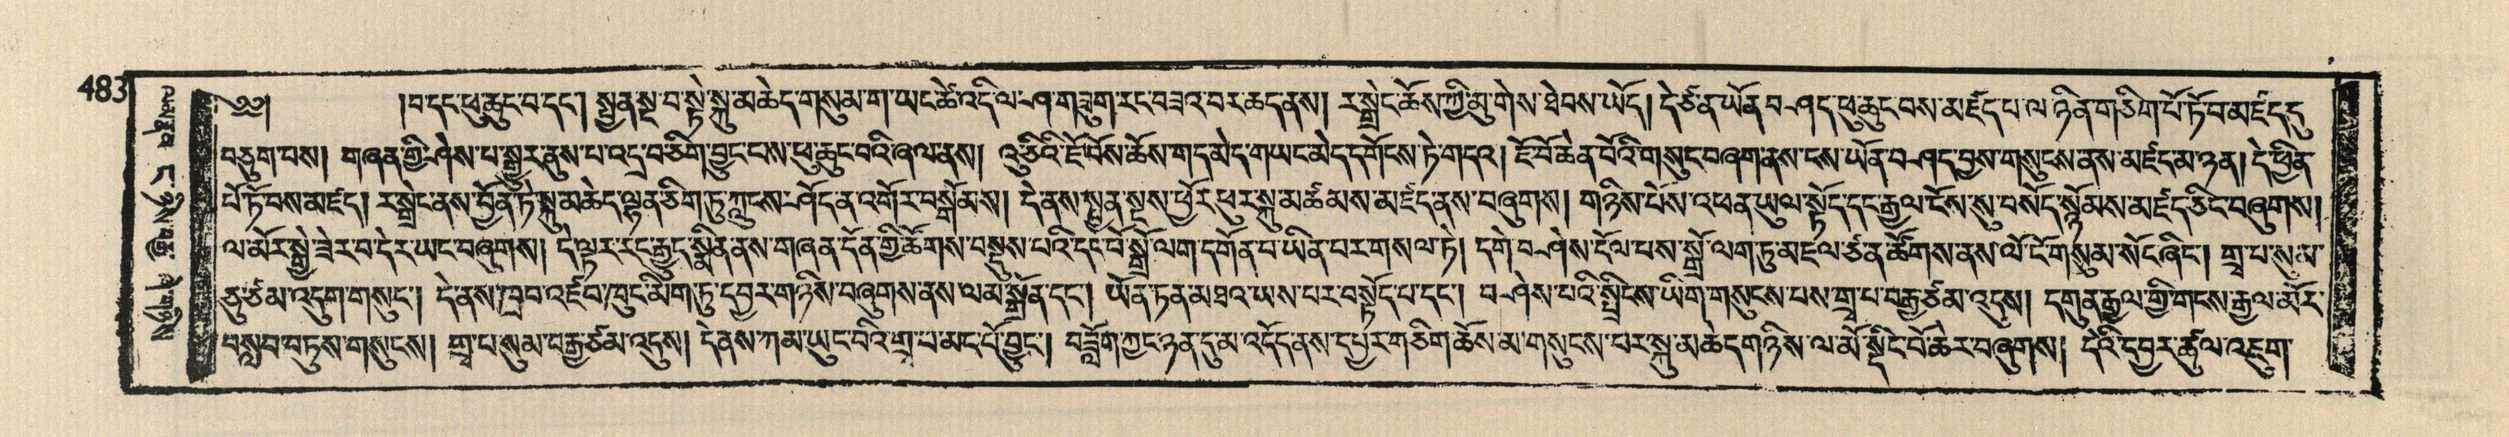༄༅། །བ་དང་ཕུ་ཆུང་བ་དང་། སྤྱན་སྔ་བ་སྟེ་སྐུ་མཆེད་གསུམ་ག་ཡང་ཚེ་འདི་ལ་ཤ་གཟུག་རང་བཟའ་བར་ཆད་ནས། ར་སྒྲེང་ཆོས་ཀྱི་མུ་གེས་ཐེབས་ཡོད། དེ་ཙ་ན་ཡོན་བཤད་ཕུ་ཆུང་བས་མཛད་པ་ལ་ཉིན་གཅིག་པོ་ཏོ་བ་མཛད་དུ་
བཅུག་པས། གཞན་གྱི་ཤེས་པ་སྒྱུར་ནུས་པ་འདྲ་བ་ཅིག་བྱུང་བས་ཕུ་ཆུང་བའི་ཞལ་ནས། འུ་ཅིའི་ཇོ་བོས་ཆོས་གད་མེད་གཡང་མེད་དགོངས་ཏེ་གདའ། ཇོ་བོ་ཆེན་པོའི་གསུང་བཞག་ནས་ངས་ཡོན་བཤད་བྱས་གསུངས་ནས་མཛད་མ་ཉན། དེ་ཕྱིན་
པོ་ཏོ་བས་མཛད། ར་སྒྲེང་ནས་བྱོན་ཏེ་སྐུ་མཆེད་ལྷན་ཅིག་ཏུ་ཀླུངས་ཤོད་ན་འགོར་བསྒོམས། དེ་ནས་སྤྱན་སྔས་ཕྱོར་ཕུར་སྐུ་མཚམས་མཛད་ནས་བཞུགས། གཉིས་པོས་འཕན་ཡུལ་སྟོད་དང་རྒྱལ་ངོས་སུ་བསོད་སྙོམས་མཛད་ཅིང་བཞུགས།
ལ་མོར་སྒྱེ་ཟེར་བ་དེར་ཡང་བཞུགས། དེ་ལྟར་རང་རྒྱུད་སྨིན་ནས་གཞན་དོན་གྱི་ཚོགས་བསྡུས་པའི་དང་པོ་སྒྲོ་ལག་དགོན་པ་ཡིན་པར་གསལ་ཏེ། དགེ་བཤེས་ངོལ་པས་སྒྲོ་ལག་ཏུ་མཇལ་ཙ་ན་ཚོགས་ནས་ལོ་ངོ་གསུམ་སོང་ཞིང་། གྲྭ་པ་སུམ་
ཅུ་ཙམ་འདུག་གསུང་། དེ་ནས་ཁྲབ་འཛབ་ཁུང་མིག་ཏུ་དབྱར་གཉིས་བཞུགས་ནས་ལམ་སྒྲོན་དང་། ཡོན་ཏན་མཐའ་ཡས་པར་བསྟོད་པ་དང་། བཤེས་པའི་སྤྲིངས་ཡིག་གསུངས་པས་གྲྭ་པ་བརྒྱ་ཙམ་འདུས། དགུན་རྒྱལ་གྱི་གངས་རྒྱལ་མོར་
བསླབ་བཏུས་གསུངས། གྲྭ་པ་སུམ་བརྒྱ་ཙམ་འདུས། དེ་ནས་ཀམ་ཡུང་བའི་གྲྭ་བ་མང་པོ་བྱུང་། བཟློག་ཀྱང་ཉན་དུ་མ་འདོད་ནས་དཔྱར་གཅིག་ཆོས་མ་གསུངས་བར་སྐུ་མཆེད་གཉིས་ལ་མོ་སྡིང་བོ་ཆེར་བཞུགས། དེའི་དབྱར་ཚུལ་འཇུག་